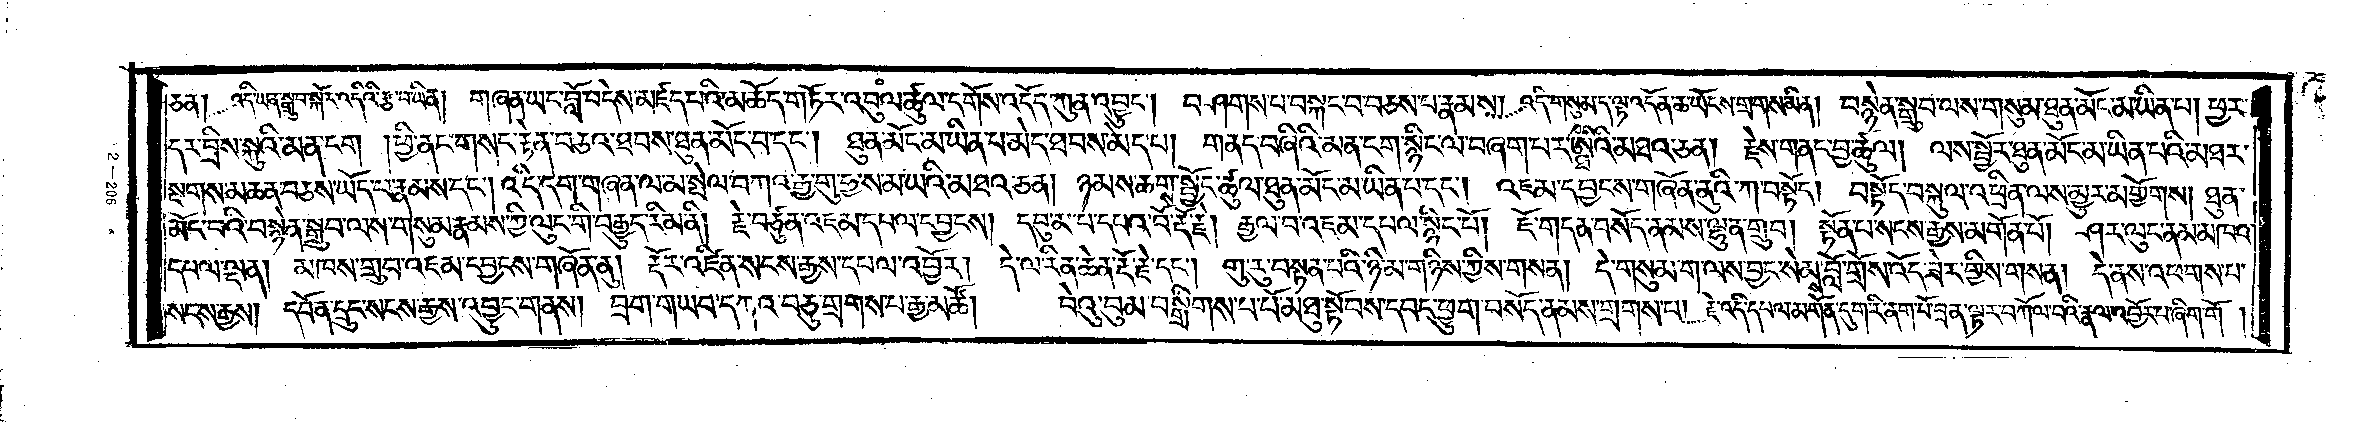ཅན། འདི་ཡན་སྒྲུབ་སྐོར་འདིའི་རྩ་བ་ཡིན།  གཞན་ཡང་བློ་བདེས་མཛད་པའི་མཆོད་གཏོར་འབུལ྾་ཚུལ་དགོས་འདོད་ཀུན་འབྱུང་། བཤགས་པ་བསྐང་བ་བཅས་པ་རྣམས། འདི་གསུམ་ད་ལྟ་འདོན་ཆ་ཡོངས་གྲགས་མིན།  བསྙེན་སྒྲུབ་ལས་གསུམ་ཐུན་མོང་མ་ཡིན་པ། ཕྱག་
དར་བྲིས་སྐུའི་མན་ངག། ཕྱི་ནང་གསང་རྟེན་བཅའ་ཐབས་ཐུན་མོང་བ་དང་། ཐུན་མོང་མ་ཡིན་པ་མེད་ཐབས་མེད་པ། གནད་བཞིའི་མན་ངག་སྙིང་ལ་བཞག་པར་ཨྀཐིའི་མཐའ་ཅན། རྗེས་གནང་བྱ་ཚུལ། ལས་སྦྱོར་ཐུན་མོང་མ་ཡིན་པའི་མཐར་
སྔགས་མཆན་བཅས་ཡོད་པ་རྣམས་དང་། འདི་དག་གཞན་ལ་མ་སྤེལ་བཀའ་རྒྱ་གུ་ཧྱ་ས་མ་ཡའི་མཐའ་ཅན། ཉམས་ཆགས་སྦྱོང་ཚུལ་ཐུན་མོང་མ་ཡིན་པ་དང་། འཇམ་དབྱངས་གཞོན་ནུའི་ཀ་བསྟོད། བསྟོད་བསྐུལ་འཕྲིན་ལས་མྱུར་མགྱོགས། ཐུན་
མོང་པའི་བསྙེན་སྒྲུབ་ལས་གསུམ་རྣམས་ཀྱི་ལུང་གི་བརྒྱུད་རིམ་ནི། རྗེ་བཙུན་འཇམ་དཔལ་དབྱངས། དབུ་མ་པ་དཔའ་བོ་རྡོ་རྗེ། རྒྱལ་བ་འཇམ་དཔལ་སྙིང་པོ། ཇོ་གཞན་བསོད་ནམས་ལྷུན་གྲུབ། སྟོན་པ་སངས་རྒྱས་མགོན་པོ། ཤར་ལུང་ནམ་མཁའ་
དཔལ་ལྡན། མཁས་གྲུབ་འཇམ་དབྱངས་གཞོན་ནུ། རྡོར་འཛིན་སངས་རྒྱས་དཔལ་འབྱོར། དེ་ལ་རིན་ཆེན་རྡོ་རྗེ་དང་། གུ་རུ་བསྟན་པའི་ཉི་མ་གཉིས་ཀྱིས་གསང་། དེ་གསུམ་ག་ལས་བྱང་སེམས་བློ་གྲོས་འོད་ཟེར་གྱིས་གསན། དེ་ནས་འཕགས་པ་
སངས་རྒྱས། དཔོན་དྲུང་སངས་རྒྱས་འབྱུང་གནས། བྲག་གཡབ་དཀའ་བཅུ་གྲགས་པ་རྒྱ་མཚོ། བེའུ་བུམ་བསྒྲིགས་པ་པོ་མཐུ་སྟོབས་དབང་ཕྱུག་བསོད་ནམས་གྲགས་པ། རྗེ་འདི་དཔལ་མགོན་དུག་རི་ནག་པོ་བྲན་ལྟར་བཀོལ་བའི་རྣལ་འབྱོར་པ་ཞིག་གོ།